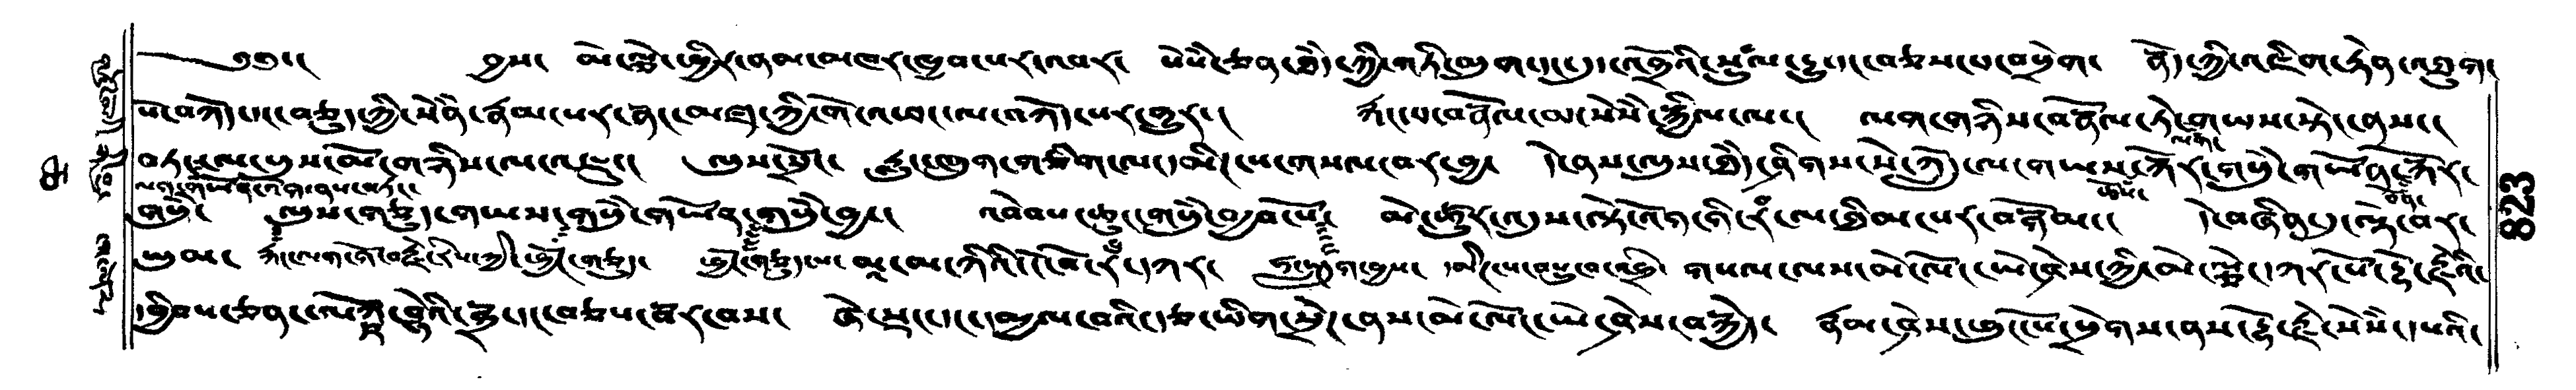བྱས། མེ་ལྕེ་ཕྱིར་ནམ་མཁའ་ཁྱབ་པར་འབར། སེམས་ཅན་ཐམས་ཅད་ཀྱི་གཏི་མུག་དང་དུད་འགྲོའི་སྡུག་བསྔལ་རྒྱུ་དང་བཅས་པ་བསྲེགས། སྣོད་ཀྱི་འཇིག་རྟེན་སྟུག་
པོ་བཀོད་དང་བཅུད་ཀྱི་སེམས་ཅན་རྣམ་པར་སྣང་མཛད་ཀྱི་གོ་འཕང་ལ་བཀོད་པར་གྱུར། རྐང་བ་བསྣོལ་མ་སེམས་སྐྱིལ་ལ། ལག་གཉིས་བསྣོལ་ཏེ་གཡས་སྟེང་ནས། 
བཏང་ལ་པུས་མོ་གཉིས་ལ་འཇུ། ལུས་སྲོང་། རླུང་ཁུག་གཅིག་ལ་དམིགས་པ་གསལ་བར་བྱ། དེ་ནས་ལུས་ཐམས་ཅད་ཤིགས་སེ་གློད་ལ་གཡས་ཆོས་སྐོར་གསུམ། གཡོན་བོན་སྐོར་
གསུམ། ལུས་གཅུས་གཡས་གསུམ་གཡོན་གསུམ་བྱ། འབེབས་ཆུང་གསུམ་བརྒྱབ་པོ། མེ་ཚུར་འདུས་ལྟེ་འོག་གི་རྃ་ལ་ཐིམ་པར་བསྒོམ། དེ་བཞིན་དུ་ལྟེ་བར་
ཡུམ་མཱ་མ་ཀིའི་ངོ་བོ་རྃ་དཀར་གསལ་ལས་མེ་ལོང་ཡེ་ཤེས་ཀྱི་མེ་ལྕེ་དཀར་པོ་རྡོ་རྗེའི་
དབྱིབས་ཅན་ཨཀྵོ་བྷེའི་སྒྲ་དང་བཅས་སྦར་བས།ཞེ་སྡང་དང་དམྱལ་བའི་རྩ་ཡིག་བསྲེགས་ནས་མེ་ལོང་ཡེ་ཤེས་བསྐྱེད། རྣམ་ཤེས་ཕུང་པོ་བསྲེགས་ནས་རྡོ་རྗེ་སེམས་དཔའི་